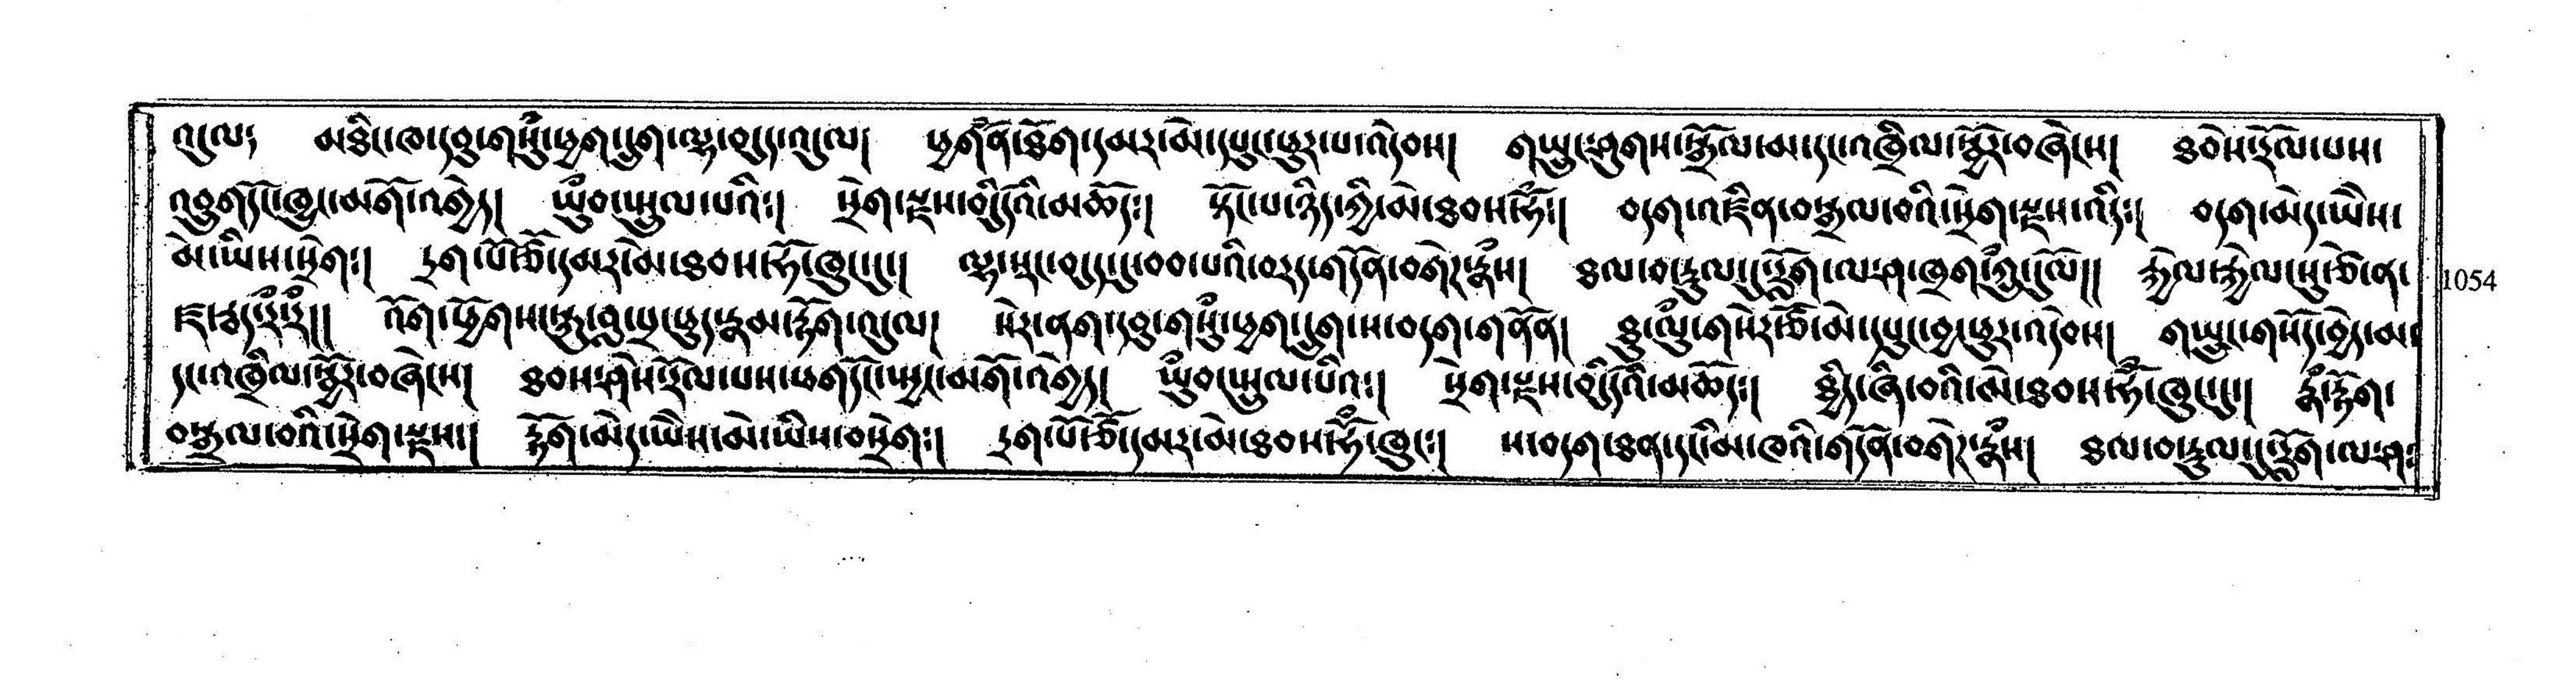འདུལ། མཐིང་ཁ་དབུ་གསུམ་ཕྱག་དྲུག་ལྷ་བདུད་འདུལ། ཕྱག་མཚན་ཐོག་དམར་མེ་དཔུང་ཕུར་པ་འདེབས། གཡུང་དྲུང་ཤུགས་སྒྲོལ་མ་དང་འཁྲིལ་སྦྱོར་བཞེངས། ཐབས་ཤེས་རོལ་པས་
འབྲུག་གདོང་ཁྱུང་མགོ་འགྱེད། ཡབ་ཡུམ་སྤྲུལ་པའི༴། སྲེག་རྫས་བདུད་རྩིའི་མཆོད༴། སྟོང་པ་ཉིད་ཀྱི་མེ་ཐབས་ཧོམ༴། བདག་འཛིན་བསྒྲལ་བའི་སྲེག་རྫས་འདི༴། བདག་མེད་ཡེ་ཤེས་
མེ་ཡིས་སྲེག༴། དྲག་པོ་ཙོ་དམར་མེ་ཐབས་ཧོ་ཁུང་དུ། ལྷ་སྡང་བདུད་དུ་བབ་པའི་བར་ཆད་གདོན་བགེགས་རྣམས། ཐལ་བ་རྡུལ་དུ་རློག་ལ་ཤ་ཁྲག་ཀྲུམ་དུ་གསོལ།། རྐྱེལ་རྐྱེལ་སུ་ཙེ་ན་
ཛ་རྦད་རཾ་རཾ།། འོག་ཕྱོགས་སྐུ་བླ་པྲ་ཕུད་རྣམ་རྟོག་འདུལ། སེར་ནག་དབུ་གསུམ་ཕྱག་དྲུག་ས་བདག་གནོན། ཐུ་ལུམ་གསེར་ཙོ་མེ་དཔུང་བྱ་ཕུར་འདེབས། གཡུང་དྲུང་གསོད་བྱེད་མ་
དང་འཁྲིལ་སྦྱོར་བཞེངས། ཐབས་ཤེས་རོལ་པས་ཕག་གདོང་སྤྱང་མགོ་འགྱེད། ཡབ་ཡུམ་སྤྲུལ་པའི༴། སྲེག་རྫས་བདུད་རྩིའི་མཆོད༴། ཐུགས་ཉིད་ཞི་བའི་མེ་ཐབས་ཧོམ་ཁུང་དུ། རྣམ་རྟོག་
བསྒྲལ་བའི་སྲེག་རྫས༴། རྟོག་མེད་ཡེ་ཤེས་མེ་ཡིས་བསྲེག༴། དྲག་པོ་ཙོ་དམར་མེ་ཐབས་ཧོམ་ཁུང་༴། ས་བདག་ཐན་དང་མི་ཁའི་གདོན་བགེགས་རྣམས། ཐལ་བ་རྡུལ་དུ་རློག་ལ་ཤ་